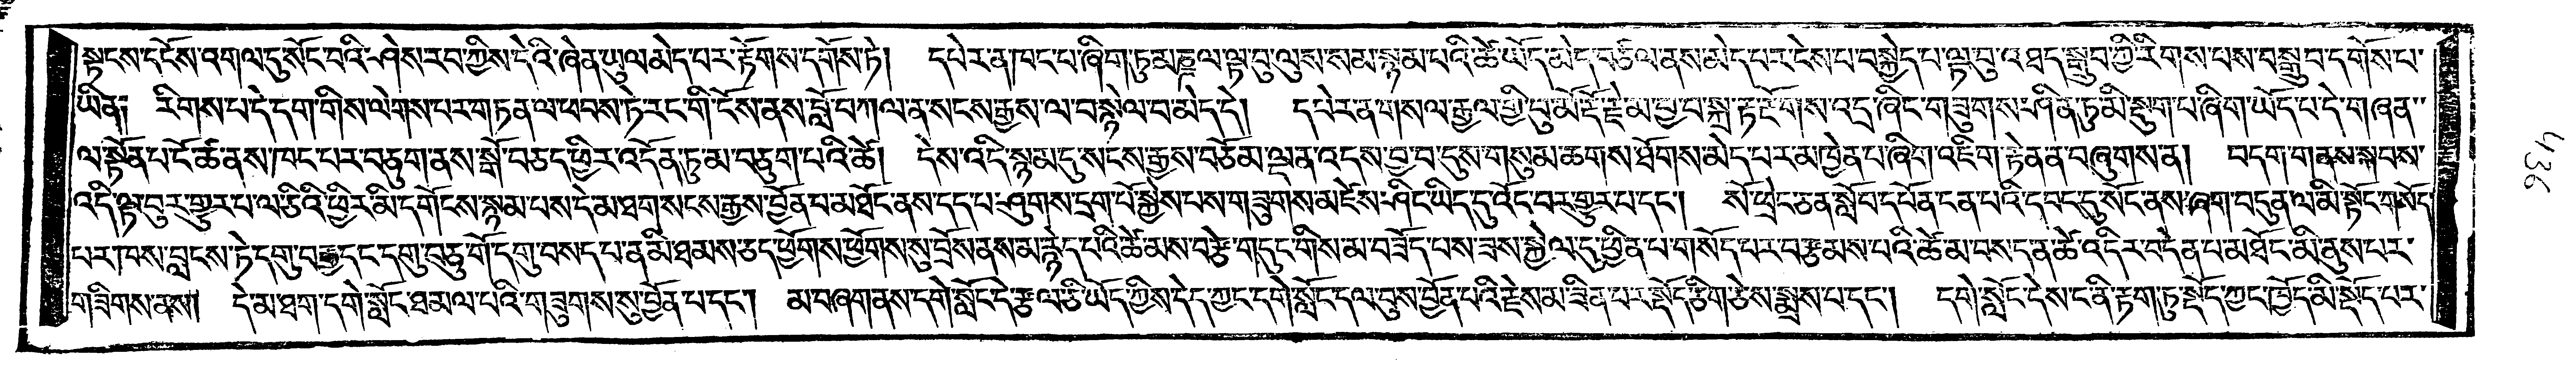སྟངས་དངོས་འགལ་དུ་སོང་བའི་ཤེས་རབ་ཀྱིས་དེའི་ཞེན་ཡུལ་མེད་པར་རྟོགས་དགོས་ཏེ། དཔེར་ན་ཁང་པ་ཞིག་ཏུ་མཎྜལ་ལྟ་བུ་ལུས་སམ་སྙམ་པའི་ཚེ་ཡོད་མེད་བཙལ་ནས་མེད་པར་ངེས་པ་བསྐྱེད་པ་ལྟ་བུ་འཐད་སྒྲུབ་ཀྱི་རིགས་པས་བསྒྲུབ་དགོས་པ་
ཡིན༑ རིགས་པ་དེ་དག་གིས་ལེགས་པར་གཏན་ལ་ཕབས་ཏེ་རང་གི་ངོས་ནས་བློ་བཀལ་ན་སངས་རྒྱས་ལ་བསྙེལ་བ་མེད་དེ། དཔེར་ན་གསལ་རྒྱལ་གྱི་བུ་མོ་རྡོ་རྗེ་མ་བྱ་བ་སྒྲ་རྟ་རྔོགས་འདྲ་ཞིང་གཟུགས་ཤིན་ཏུ་མི་སྡུག་པ་ཞིག་ཡོད་པ་དེ་གཞན་
ལ་སྟོན་པ་ངོ་ཚ་ནས་ཁང་པར་བཅུག་ནས་སྒོ་བཅད་ཕྱིར་འདོན་ཏུ་མ་བཅུག་པའི་ཚེ། དེས་འདི་སྙམ་དུ་སངས་རྒྱས་བཅོམ་ལྡན་འདས་བྱ་བ་དུས་གསུམ་ཆགས་ཐོགས་མེད་པར་མཁྱེན་པ་ཞིག་འཇིག་རྟེན་ན་བཞུགས་ན། བདག་གནས་སྐབས་
འདི་ལྟ་བུར་གྱུར་པ་ལ་ཅིའི་ཕྱིར་མི་དགོངས་སྙམ་པས་དེ་མ་ཐག་སངས་རྒྱས་བྱོན་པ་མཐོང་ནས་དད་པ་ཤུགས་དྲག་པོ་སྐྱེས་པས་གཟུགས་མཛེས་ཤིང་ཡིད་དུ་འོང་བར་གྱུར་པ་དང་། སོ་ཕྲེང་ཅན་སློབ་དཔོན་ངན་པའི་དབང་དུ་སོང་ནས་ཞག་བདུན་ལ་མི་སྟོང་གསོད་
པར་ཁས་བླངས་ཏེ་དགུ་བརྒྱ་དང་དགུ་བཅུ་གོ་དགུ་བསད་པ་ན་མི་ཐམས་ཅད་ཕྱོགས་ཕྱོགས་སུ་བྲོས་ནས་མ་རྙེད་པའི་ཚེ་མས་བརྩེ་གདུང་གིས་མ་བཟོད་པས་ཟས་སྐྱེལ་དུ་ཕྱིན་པ་གསོད་པར་བརྩམས་པའི་ཚེ་མ་བསད་ན་ཚེ་འདིར་བདེན་པ་མཐོང་མི་ནུས་པར་
གཟིགས་ནས། དེ་མ་ཐག་དགེ་སློང་ཐ་མལ་པའི་གཟུགས་སུ་བྱོན་པ་དང་། མ་བཞག་ནས་དགེ་སློང་དེ་རྩལ་ཅི་ཡོད་ཀྱིས་དེད་ཀྱང་དགེ་སློང་དལ་བུས་བྱོན་པའི་རྗེས་མ་ཟིན་པར་སྡོད་ཅིག་ཅེས་སྨྲས་པ་དང་། དགེ་སློང་དེས་ང་ནི་རྟག་ཏུ་སྡོད་ཀྱང་ཁྱོད་མི་སྡོད་པར་